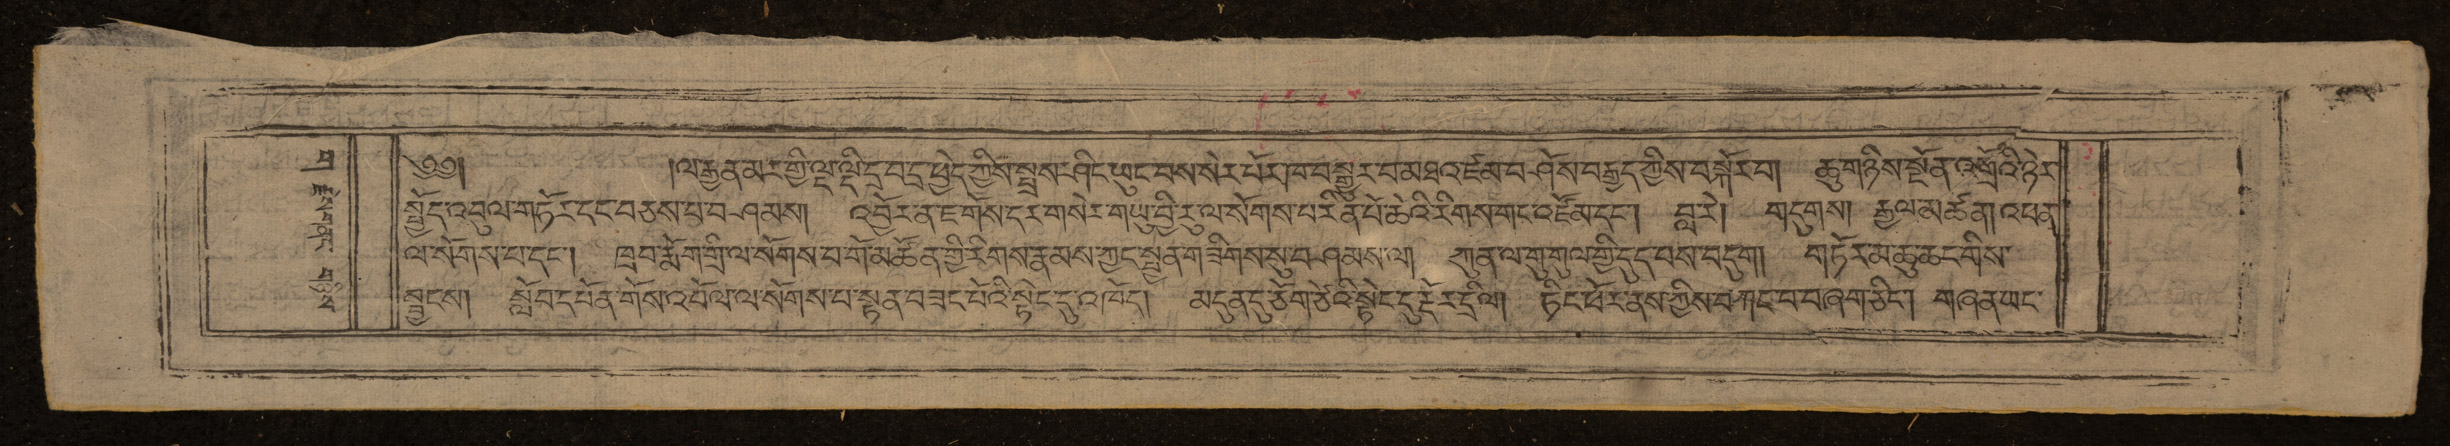༄༅། །ལ་རྒྱན་མར་གྱི་ལྔ་ལྡི་དྲ་བ་དྲ་ཕྱེད་ཀྱིས་སྤྲས་ཤིང་ཡུང་བས་སེར་པོར་ཁ་བསྒྱུར་བ་མཐའ་ཛམ་བཤོས་བརྒྱད་ཀྱིས་བསྐོར་བ། ཆུ་གཉིས་སྔོན་འགྲོའི་ཉེར་
སྤྱོད་འབུལ་གཏོར་དང་བཅས་པ་བཤམས། འབྱོར་ན་ཇ་གོས་དར་གསེར་གཡུ་བྱི་རུ་ལ་སོགས་པ་རིན་པོ་ཆེའི་རིགས་གང་འཛོམ་དང་། བླ་རེ། གདུགས། རྒྱལ་མཚན། འཕན་
ལ་སོགས་པ་དང་། ཁྲབ་རྨོག་གྲི་ལ་སོགས་པ་གོ་མཚོན་གྱི་རིགས་རྣམས་ཀྱང་སྤྱན་གཟིགས་སུ་བཤམས་ལ། ཀུན་ལ་གུ་གུལ་གྱི་དུད་པས་བདུག། གཏོར་མ་ཆུ་ཆང་གིས་
སྦྱངས། སློབ་དཔོན་གོས་འབོལ་ལ་སོགས་པ་སྟན་བཟང་པོའི་སྟེང་དུ་འཁོད། མདུན་དུ་ཅོག་ཙེའི་སྟེང་དུ་རྡོར་དྲིལ། ཏིང་ཕོར་ནས་ཀྱིས་བཀང་བ་བཞག་ཅིང་། གཞན་ཡང་